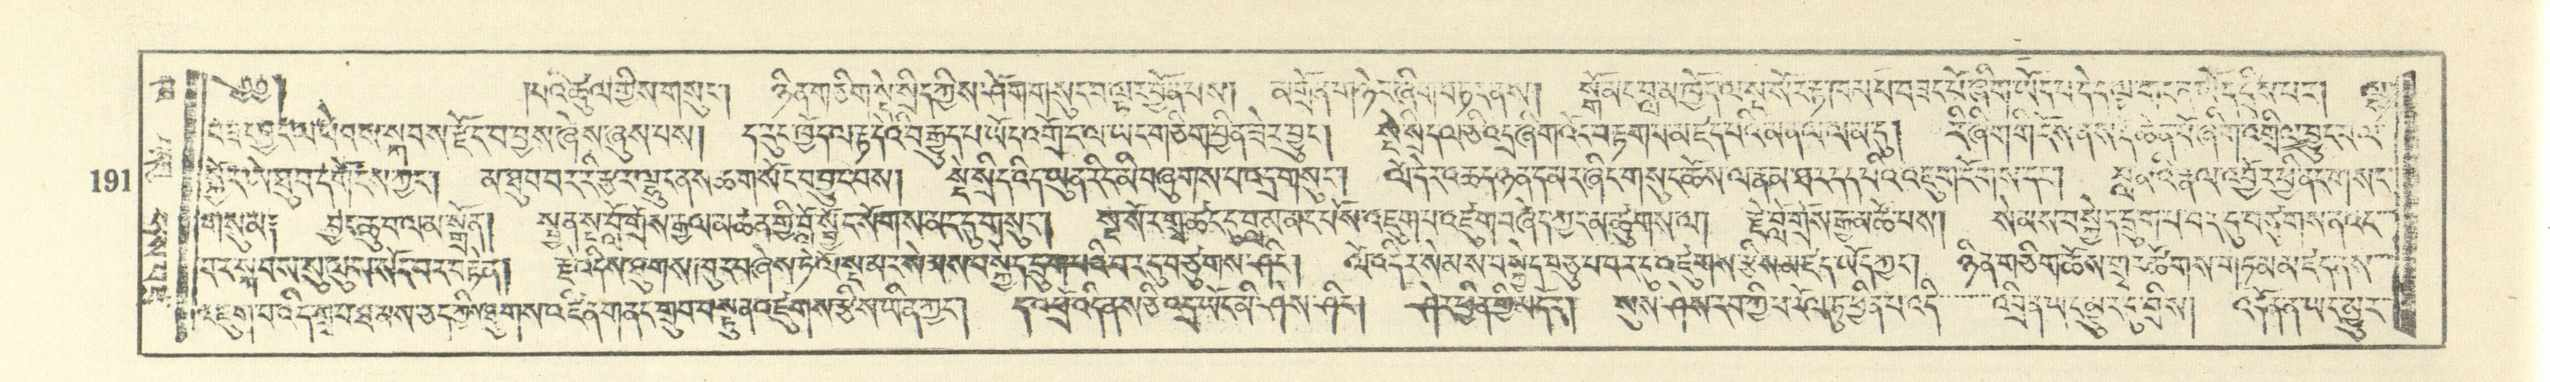༄༅། །པའི་ཚུལ་གྱིས་གསུང་། ཉིན་གཅིག་སྡེ་སྲིད་ཀྱིས་ཤོག་གསུང་བ་ལྟར་བྱོན་པས། མགྲོན་གཉེར་ཞིག་བཏང་ནས། སྒོ་མང་བླ་མ་ཁྱོད་ལ་སྔ་སོར་རྟ་ཁམ་པ་བཟང་པོ་ཞིག་ཡོད་པ་དེད་ལྟ་གང་ན་ཡོད་དྲིས་པར། ལྷ་
བཟང་བྱད་ལ་ཕེབས་སྐབས་རྫོད་བ་བྱས་ཞེས་ཞུས་པས། ད་རུང་ཁྱོད་ལ་རྟ་དེའི་བརྒྱུད་པ་ཡོད་འགྲོང་ལ་ཡང་གཅིག་བྱིན་ཟེར་བྱུང་། སྔེ་སྲིད་ལ་ཅི་འདྲ་ཞིག་འོང་བརྟག་ཕ་མཛད་པའི་མནལ་ལམ་དུ། རི་ཞིག་གི་ངོས་ནས་རྡོ་ཆེན་པོ་ཞིག་འགྲིལ་བྱུང་བ་ལ་
སྐྱོར་ཨེ་ཐུབ་དགོངས་ཀྱང་། མ་ཐུབ་པར་རི་རྩར་ལྷུང་ནས་ཆག་སོང་བ་བྱུང་བས། སྡེ་སྲིད་འདི་ཡུན་རིང་མི་བཞུགས་པ་འདྲ་གསུང་། ལོ་དེར་འཆད་ཉན་དམར་ཞིང་གསུང་ཆོས་ལ་རྣམ་ཐར་དད་པའི་འཇུག་ངོགས་དང་། བླ་མའི་རྣལ་འབྱོར་ཕྱི་ནང་གསང་
གསུམ༑ བྱང་ཆུབ་ལམ་སྒྲོན། སྤྱན་སྔ་བློ་གྲོས་རྒྱལ་མཚན་གྱི་བློ་སྦྱོང་སོགས་མང་དུ་གསུང་། སྔ་སོར་གླ་ཚང་དུ་བླ་མ་མང་པོས་འཇུག་པ་འཛུག་བཞེད་ཀྱང་མ་ཚུགས་ལ། རྗེ་བློ་གྲོས་རྒྱ་མཚོ་པས། སེམས་བསྐྱེད་དྲུག་པ་བར་དུ་བཙུགས་ནའང་
པར་སྐབས་སུ་ལུས་སོང་བར་བརྟེན། རྗེ་འདིས་ཐུགས་ཁུར་བཞེས་ཏེ་ལོ་སྔ་མར་སེམས་བསྐྱེད་དྲུག་པའི་བར་དུ་བཙུགས་ཤིང་། ལོ་འདིར་སེམས་བསྐྱེད་བཅུ་པ་བར་དུ་འཛུགས་རྩིས་མཛད་ཡོད་ཀྱང་། ཉིན་གཅིག་ཆོས་གྲྭར་ཚོགས་གཏམ་མཛད་ནས་
འཇུག་པ་འདི་གྲྭ་པ་ཐམས་ཅད་ཀྱིས་ཐུགས་འཛིན་གནང་གྲུབ་བསྟུན་འཛུགས་རྩིས་ཡིན་ཀྱང་། ད་འཕྲོ་འདི་ནས་ཅི་འདྲ་ཡོང་མི་ཤེས་ཤིང་། ཤེར་ཕྱིན་གྱི་མདོར། སུས་ཤེས་རབ་ཀྱི་ཕ་རོལ་ཏུ་ཕྱིན་པ་འདི་འབྲིན་ཡང་མྱུར་དུ་བྲིས། འདོན་ན་ཡང་མྱུར་